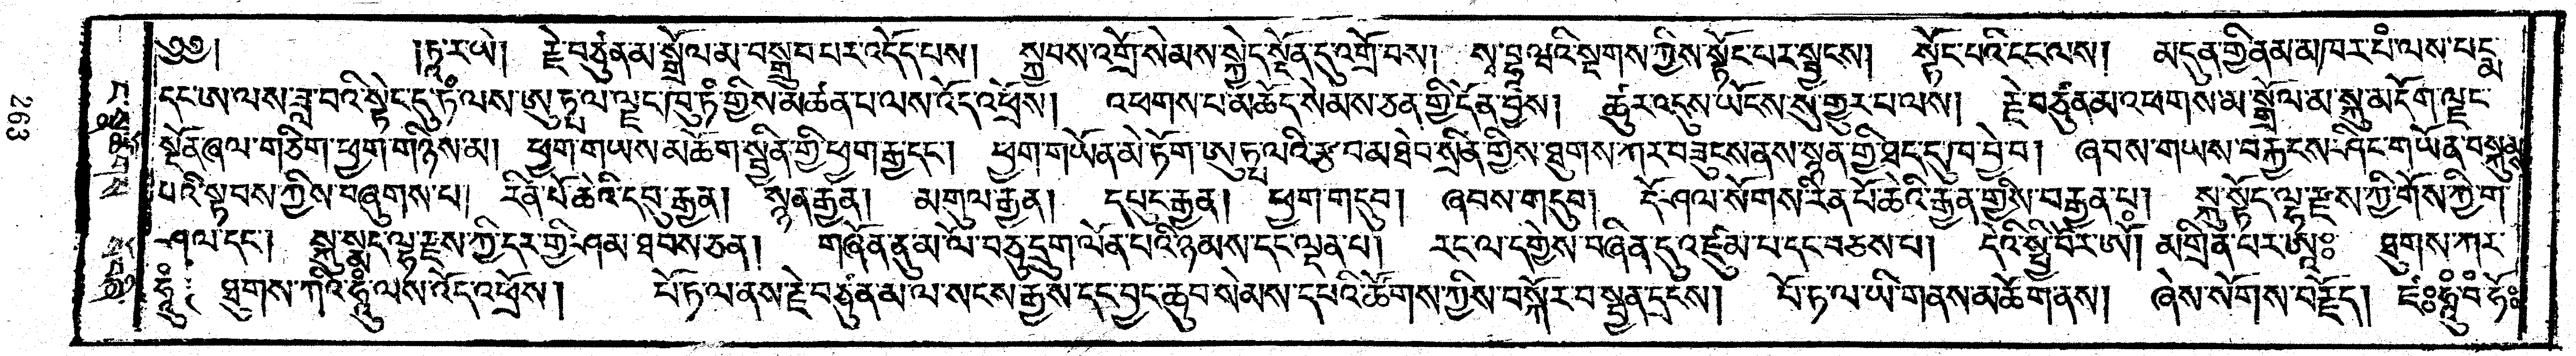༄༅། །ཏཱ་ར་ཡེ། རྗེ་བཙུན་མ་སྒྲོལ་མ་བསྒྲུབ་པར་འདོད་པས། སྐྱབས་འགྲོ་སེམས་སྐྱེད་སྔོན་དུ་འགྲོ་བས། སྭ་བྷཱ་ཝའི་སྔགས་ཀྱིས་སྟོང་པར་སྦྱངས། སྟོང་པའི་དང་ལས། མདུན་གྱི་ནམ་མཁར་པཾ་ལས་པདམ་
དང་ཨ་ལས་ཟླ་བའི་སྟེང་དུ་ཏཾ་ལས་ཨུཏྤ་ལ་ལྗང་ཁུ་ཏཾ་གྱིས་མཚན་པ་ལས་འོད་འཕྲོས། འཕགས་པ་མཆོད་སེམས་ཅན་གྱི་དོན་བྱས། ཚུར་འདུས་ཡོངས་སུ་གྱུར་པ་ལས། རྗེ་བཙུན་མ་འཕགས་མ་སྒྲོལ་མ་སྐུ་མདོག་ལྗང་
སྔོན་ཞལ་གཅིག་ཕྱག་གཉིས་མ། ཕྱག་གཡས་མཆོག་སྤྱིན་གྱི་ཕྱག་རྒྱ་དང་། ཕྱག་གཡོན་མེ་ཏོག་ཨུཏྤ་ལའི་རྩབ་མཐེབ་སྲིན་གྱིས་ཐུགས་ཀར་བཟུངས་ནས་སྙན་གྱི་ཐད་དུ་ཁ་བྱེ་བ། ཞབས་གཡས་བརྐྱངས་ཤིང་གཡོན་བསྐུམས་
པའི་སྟབས་ཀྱིས་བཞུགས་པ། རིན་པོ་ཆེའི་དབུ་རྒྱན། སྙན་རྒྱན། མགུལ་རྒྱན། དཔུང་རྒྱན། ཕྱག་གདུབ། ཞབས་གདུབ། དོ་ཤལ་སོགས་རིན་པོ་ཆེའི་རྒྱན་གྱིས་བརྒྱན་པ། སྐུ་སྟོད་ལྷ་རྫས་ཀྱི་གོས་ཀྱི་ག་
ཤལ་དང་། སྐུ་སྨད་ལྷ་རྫས་ཀྱི་དར་གྱི་ཤམ་ཐབས་ཅན། གཞོན་ནུ་མ་ལོ་བཅུ་དྲུག་ལོན་པའི་ཉམས་དང་ལྡན་པ། རང་ལ་དགྱེས་བཞིན་དུ་འཛུམ་པ་དང་བཅས་པ། དེའི་སྤྱི་བོར་ཨོཾ། མགྲིན་པར་ཨཱཿ ཐུགས་ཀར་
ཧཱུཾ་H ཐུགས་ཀའི་ཧཱུཾ་ལས་འོད་འཕྲོས། པོ་ཏ་ལ་ནས་རྗེ་བཙུན་མ་ལ་སངས་རྒྱས་དང་བྱང་ཆུབ་སེམས་དཔའི་ཚོགས་ཀྱིས་བསྐོར་བ་སྤྱན་དྲངས། པོ་ཏ་ལ་ཡི་གནས་མཆོག་ནས། ཞེས་སོགས་བརྗོད། ཛཿ ཧཱུཾ་བཾ་ཧོཿ